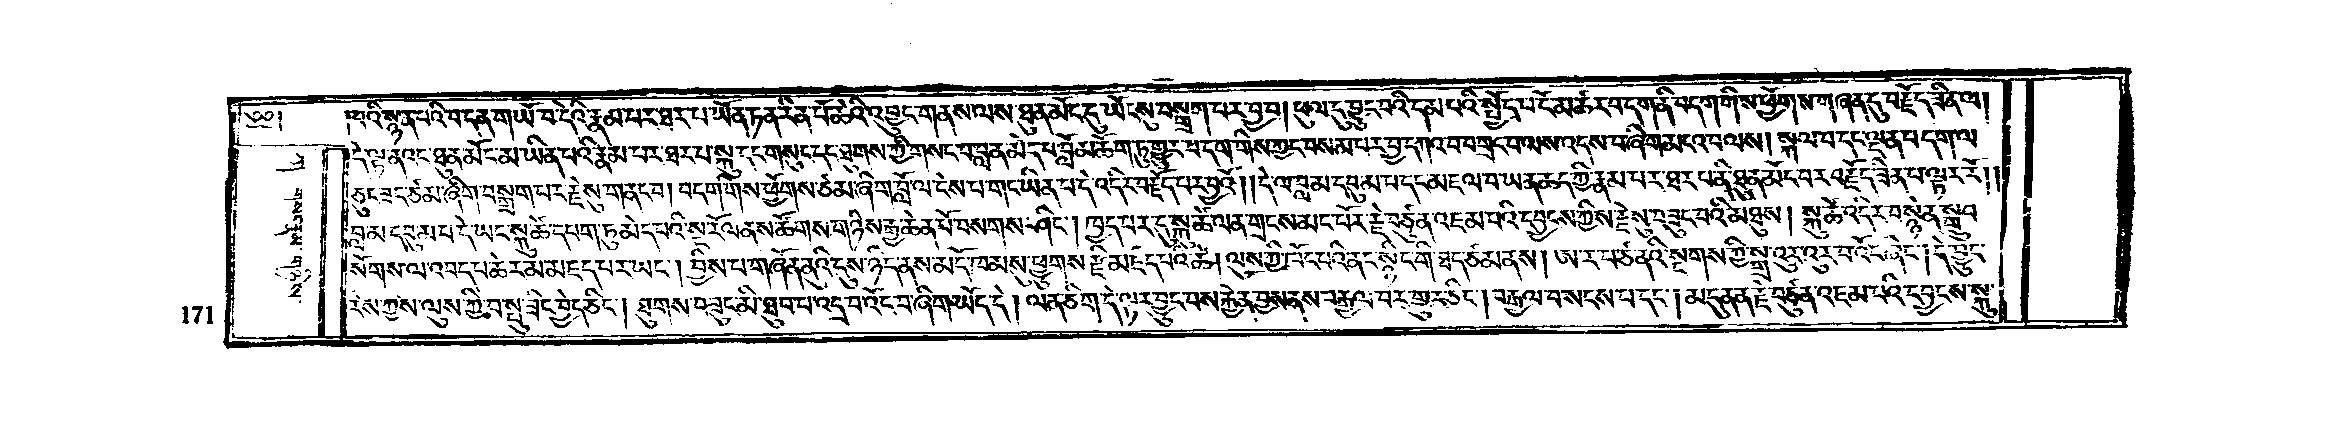༄༅། ། བའི་སྙན་པའི་བ་དན་གྱོ་བ་དེའི་རྣམ་པར་ཐར་པ་པ་ཡོན་ཏན་རིན་པོ་ཆེའི་འབྱུང་གནས་ལས་ཐུན་མོང་དུ་ཡོངས་སུ་བསྒྲག་པར་བྱ་བ། ཕུལ་དུ་བྱུང་བའི་དམ་པའི་སྤྱོད་པ་ངོ་མཚར་བ་དག་ནི་བདག་གིས་ཕྱོགས་གཞན་དུ་བརྗོད་ཟིན་ལ།
དེ་ལྟ་ནའང་ཐུན་མོང་མ་ཡིན་པའི་རྣམ་པར་ཐར་པ་སྐུ་དང་གསུང་དང་ཐུགས་ཀྱི་གསང་བ་བླ་ན་མེད་པ་བློ་མཆོག་ཏུ་གྱུར་པ་དག་གིས་ཀྱང་བསམ་པར་བྱ་དཀའ་བ་བགྲང་བ་ལས་འདས་པ་ཞིག་མངའ་བ་ལས། སྐལ་བ་དང་ལྡན་པ་དག་ལ་
ཅུང་ཟད་ཙམ་ཞིག་བསྒྲག་པར་རྗེས་སུ་གནང་བ། བདག་གིས་ཕྱོགས་ཙམ་ཞིག་བློ་ལ་ངེས་པ་གང་ཡིན་པ་དེ་འདིར་བརྗོད་པར་བྱའོ། །དེ་ལ་བླ་མ་དབུ་མ་པ་དང་མཇལ་བ་ཡན་ཆད་ཀྱི་རྣམ་པར་ཐར་པ་ནི་ཐུན་མོང་བར་བརྗོད་ཟིན་པ་ལྟར་རོ། །
བླ་མ་དབུ་མ་པ་དེ་ཡང་སྐུ་ཚེ་དཔག་ཏུ་མེད་པའི་སྔ་རོལ་ནས་ཚོགས་གཉིས་རྒྱ་ཆེན་པོ་བསགས་ཤིང་། ཁྱད་པར་དུ་སྐུ་ཚེ་ལན་གྲངས་མང་པོར་རྗེ་བཙུན་འཇམ་པའི་དབྱངས་ཀྱིས་རྗེས་སུ་བཟུང་བའི་མཐུས། སྐུ་ཚེ་འདིར་བསྙེན་སྒྲུབ་
སོགས་ལ་འབད་པ་ཆེར་མ་མཇད་པར་ཡང་། བྱིས་པ་གཞོན་ནུའི་དུས་ཉིད་ནས་མདོ་ཁམས་སུ་ཕྱུགས་རྫི་མཛད་པའི་ཚེ། ལུས་ཀྱི་ཁོང་པའི་ནང་སྙིང་གི་ཐད་ཙམ་ནས། ཨ་ར་པ་ཙ་ནའི་སྔགས་ཀྱི་སྒྲ་འུར་འུར་བ་འོང་ཞིང་། དེ་བྱུང་
རེས་ཀྱིས་ལུས་ཀྱི་བ་སྤུ་ཟིང་བྱེད་ཅིང་། ཐུགས་བཟུང་མི་ཐུབ་པ་འདྲ་བ་འོང་བ་ཞིག་ཡོད་དེ། ལན་ཅིག་དེ་ལྟར་བྱུང་བས་རྐྱེན་བྱས་ནས་བརྒྱལ་བར་གྱུར་ཅིང་། བརྒྱལ་བ་སངས་པ་དང་། མདུན་ན་རྗེ་བཙུན་འཇམ་པའི་དབྱངས་སྐུ་